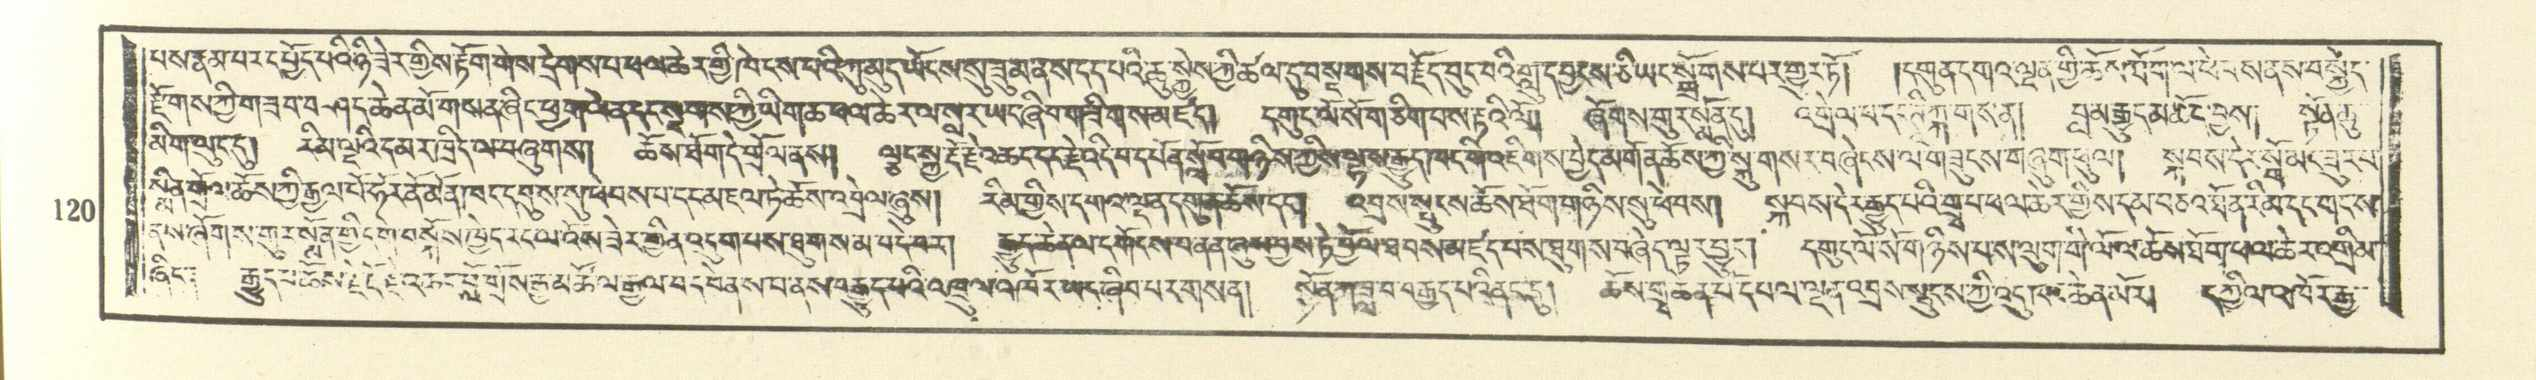པས་རྣམ་པར་དཔྱོད་པའི་ཉི་ཟེར་གྱིས་རྟོག་གེས་དྲེགས་པ་ཕལ་ཆེར་གྱི་ཁེངས་པའི་ཀུ་མུད་ཡོངས་སུ་ཟུམ་ནས་དད་པའི་ཆུ་སྐྱེས་ཀྱི་ཚལ་དུ་བསྔགས་བརྗོད་བུང་བའི་གླུ་དབྱངས་ཅི་ཡང་སྒྲོགས་པར་གྱུར་ཏོ། །དགུན་དགའ་ལྡན་གྱི་ཆོས་ཐོག་ལ་ཕེབས་ནས་བསྐྱེད་
རྫོགས་ཀྱི་གཟབ་བཤད་ཆེན་མོ་གསན་ཞིང་ཕྱག་ལེན་དང་སྔགས་ཀྱི་ཡིག་ཆ་ཕལ་ཆེར་ལ་སླར་ཡང་ཞིབ་གཟིགས་མཛད། དགུང་ལོ་སོ་གཅིག་པས་རྟའི་ལོ། ཞོགས་གུར་སྨོན་དུ། འགྲེལ་པ་དང་ཊཱིཀྐ་གསན། བླ་མ་རྒྱུད་མཆོད་བྱས། སྟོན་ཆུ་
མིག་ལུང་དུ། རིམ་ལྔའི་དམར་ཁྲིད་ལ་བཞུགས། ཆོས་ཐོག་དེ་གྲོལ་ནས། ལྕང་སྐྱ་རྡོ་རྗེ་འཆང་དང་རྗེ་འདི་པ་དཔོན་སློབ་གཉིས་ཀྱིས་ལྷ་ས་རྒྱུད་ཁང་གི་འཇིགས་བྱེད་མགོན་ཆོས་ཀྱི་སྐུ་གསར་བཞེངས་ལ་གཟུངས་གཞུག་ཕུལ། སྐབས་དེར་སྒོ་མང་ཟུར་པ་
སྨིན་གྲོལ་ཆོས་ཀྱི་རྒྱལ་པོ་ཧོར་ནོ་མོན་ཁང་དབུས་སུ་ཕེབས་པ་དང་མཇལ་ཏེ་ཆོས་འབྲེལ་ཞུས། རིམ་གྱིས་དགའ་ལྡན་དགུན་ཆོས་དང་། འབྲས་སྤུངས་ཆོས་ཐོག་གཉིས་སུ་ཕེབས། སྐབས་དེར་རྒྱུད་པའི་གྲྭ་པ་ཕལ་ཆེར་གྱིས་དམ་བཅའ་ཐོན་རིམ་དང་གང་ས་
ནས་ཞོགས་གུར་སྨོན་གྱི་དགེ་བསྐོས་ཁྱེད་རང་ལ་འོས་ཟེར་གྱིན་འདུག་པས་ཐུགས་མ་བདེ་བར། རྒྱུད་ཆེན་ལ་དགོངས་པ་ནན་ཞུས་བྱས་ཏེ་བྱོལ་ཐབས་མཛད་པས་ཐུགས་བཞེད་ལྟར་བྱུང་། དགུང་ལོ་སོ་གཉིས་པས་ལུག་གི་ལོ་ལ་ཆོས་ཐོག་ཕལ་ཆེར་འགྲིམ་
ཞིང༑ རྒྱུད་པ་ཆོས་རྗེ་རྡོ་རྗེ་འཆང་བློ་གྲོས་རྒྱ་མཚོ་ལ་རྒྱལ་བ་དབེན་ས་པ་ནས་བརྒྱུད་པའི་འཁྲུལ་འཁོར་ཡང་ཞིབ་པར་གསན། སྟོན་བཟླ་བ་བརྒྱད་བའི་ནང་དུ། ཆོས་གྲྭ་ཆེན་པོ་དཔལ་ལྡན་འབྲས་སྤུངས་ཀྱི་འདུ་ཁང་ཆེན་མོར། དཀྱིལ་འཁོར་རྒྱ་